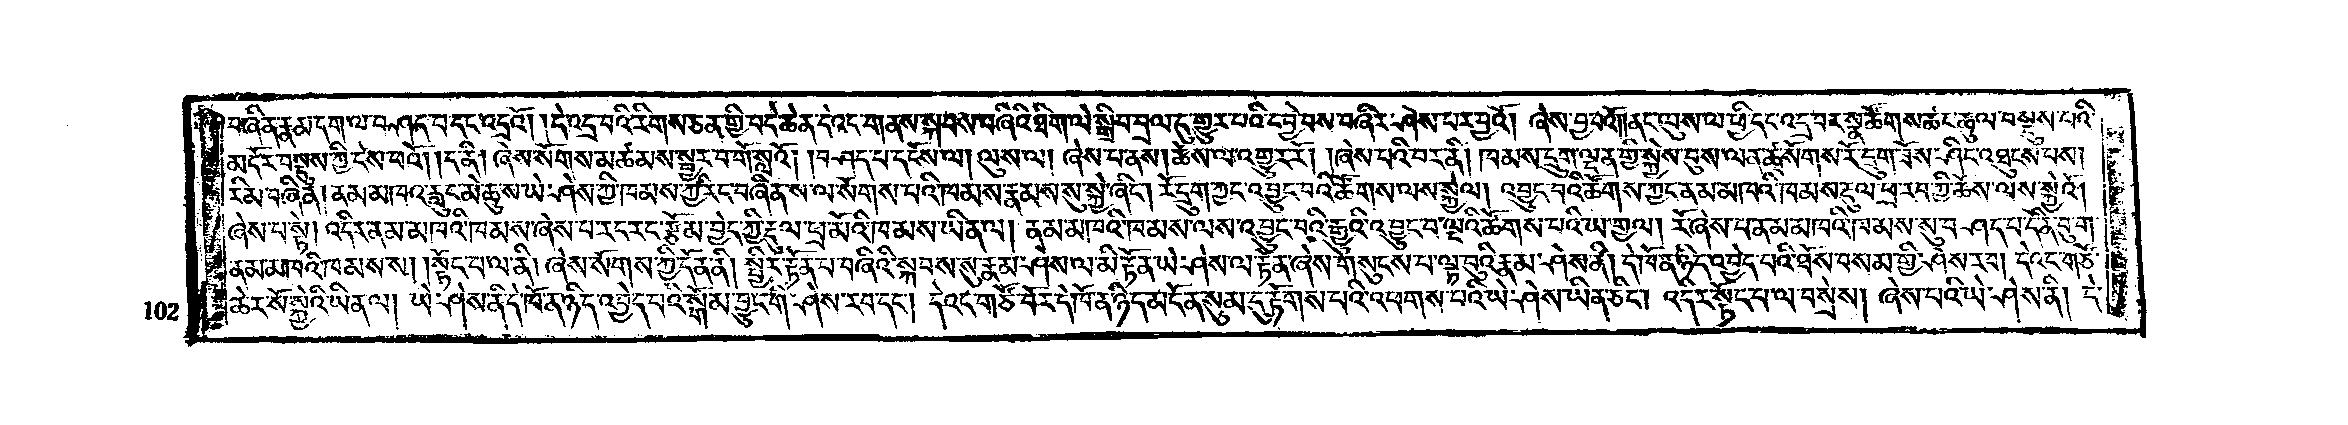བཞིན་རྣམ་དག་ལ་བཤད་པ་དང་འདྲའོ། །དེ་འདྲ་བའི་རིགས་ཅན་གྱི་བདེ་ཆེན་དེའང་གནས་སྐབས་བཞིའི་ཐིག་ལེ་སྒྲིབ་བྲལ་དུ་གྱུར་བའི་དབྱེ་བས་བཞིར་ཤེས་པར་བྱའོ། ཞེས་བྱ་བའོ། །ནང་ལུས་ལ་ཕྱི་དང་འདྲ་བར་སྣ་ཚོགས་ཚང་ཚུལ་བསྡུས་པའི་
མདོར་བསྡུས་ཀྱི་ངེས་པའོ། །ད་ནི། ཞེས་སོགས་མཚམས་སྦྱར་བ་གོ་སླའོ། །བཤད་པ་དངོས་ལ། ལུས་ལ། ཞེས་པ་ནས། ཆོས་ལ་འགྱུར་རོ། །ཞེས་པའི་བར་ནི། ཁམས་དྲུག་ལྡན་གྱི་སྐྱེས་བུས་ལན་ཚྭ་སོགས་རོ་དྲུག་ཟོས་ཤིང་འཐུངས་པས།
རིམ་བཞིན། ནམ་མཁའ་རླུང་མེ་ཆུ་ས་ཡེ་ཤེས་ཀྱི་ཁམས་ཀྱི་རང་བཞིན་ས་ལ་སོགས་པའི་ཁམས་རྣམས་སུ་སྐྱེ་ཞིང་། རོ་དྲུག་ཀྱང་འབྱུང་བའི་ཚོགས་ལས་སྐྱེལ། འབྱུང་བའི་ཚོགས་ཀྱང་ནམ་མཁའི་ཁམས་རྡུལ་ཕྲ་རབ་ཀྱི་ཆོས་ལས་སྐྱེའོ།
ཞེས་པ་སྟེ། འདིར་ནམ་མཁའི་ཁམས་ཞེས་པ་རང་རང་རྩོམ་བྱེད་ཀྱི་རྡུལ་ཕྲ་མོའི་ཁམས་ཡིན་ལ། ནམ་མཁའི་ཁམས་ལས་འབྱུང་བའི་རྒྱུའི་འབྱུང་བ་ལྔའི་ཚོགས་པའི་ཡ་གྱལ། རོ་ཞེས་པ་ནམ་མཁའི་ཁམས་སུ་བཤད་པ་དེ་ནི་བུ་ག་
ནམ་མཁའི་ཁམས་ས། །སྟོང་པ་ལ་ནི། ཞེས་སོགས་ཀྱི་དོན་ནི། སྤྱིར་རྟོན་པ་བཞིའི་སྐབས་སུ་རྣམ་ཤེས་ལ་མི་རྟོན་ཡེ་ཤེས་ལ་རྟེན་ཞེས་གསུངས་པ་ལྟ་བུའི་རྣམ་ཤེས་ནི། དེ་ཁོ་ན་ཉིད་འབྱེད་པའི་ཐོས་བསམ་གྱི་ཤེས་རབ། དེའང་གཙོ་
ཆེར་སོ་སྐྱེའི་ཡིན་ལ། ཡེ་ཤེས་ནི་དེ་ཁོ་ན་ཉིད་འབྱེད་པའི་སྒོམ་བྱུང་གི་ཤེས་རབ་དང་། དེའང་གཙོ་བོར་དེ་ཁོ་ན་ཉིད་མངོན་སུམ་དུ་རྟོགས་པའི་འཕགས་པའི་ཡེ་ཤེས་ཡིན་ཅིང་། འདིར་སྟོང་པ་ལ་བསྲེས། ཞེས་པའི་ཡེ་ཤེས་ནི། དེ་